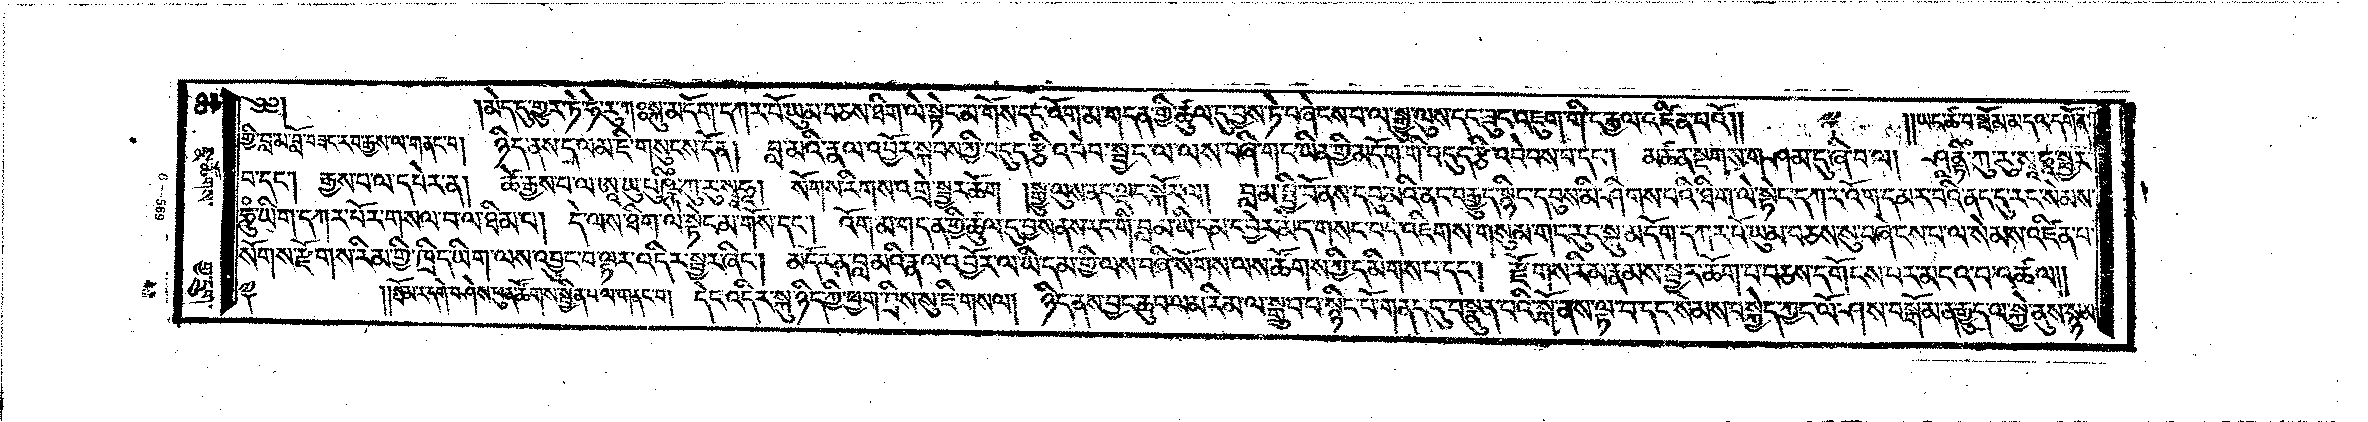༄༅། །མེད་དུ་གྱུར་ཏེ་ཧེ་རུ་ཀཿསྐུ་མདོག་དཀར་པོ་ཡུམ་བཅས་ཐིག་ལེ་སྟེང་མ་གོས་དང་འོག་མ་གདན་གྱི་ཚུལ་དུ་བྱས་ཏེ་བཞེངས་པ་ལ་སྒྱུ་ལུས་དང་ཟུང་འཇུག་གི་ང་རྒྱལ་འཛིན་པའོ།། ༈ །།ཡང་ཚ་བ་སྦོམ་མདའ་དགོན་
གྱི་བླ་མ་བློ་བཟང་རབ་རྒྱས་ལ་གནང་བ། ཉིད་ནས་ད་ལམ་ཇི་གསུངས་དོན། བླ་མའི་རྣལ་འབྱོར་སྐབས་ཀྱི་བདུད་རྩི་འབེབ་སྦྱང་ལ་ལས་བཞི་གང་ཡིན་གྱི་མདོག་གི་བདུད་རྩི་འབེབས་པ་དང་། མཚན་སྔགས་གཤམ་དུ་ཞི་བ་ལ། ཤཱནྟིཾ་ཀུ་རུ་སཱཧཱ་སྦྱར་
བ་དང་། རྒྱས་པ་ལ་དཔེར་ན། ཚེ་རྒྱས་པ་ལ་ཨཱ་ཡུ་པུཥྚིཾ་ཀུ་རུ་སྭཱཧཱ། སོགས་རིགས་འགྲེ་སྦྱར་ཆོག །སྒྱུ་ལུས་ནང་ལྡང་སྐོར་ལ། བླ་མ་སྤྱི་བོ་ནས་དབུ་མའི་ནང་བརྒྱུད་སྙིང་དབུས་མི་ཤིགས་པའི་ཐིག་ལེ་སྟེང་དཀར་འོག་དམར་བའི་ནང་དུ་རང་སེམས་
ཧཱུཾ་ཡིག་དཀར་པོར་གསལ་བ་ལ་ཐིམ་པ། དེ་ལས་ཐིག་ལེ་སྟེང་མ་གོས་དང་། འོག་མ་གདན་གྱི་ཚུལ་དུ་བྱས་ནས་རང་གི་བླ་མ་ཡི་དམ་དབྱེར་མེད་གསང་བདེ་འཇིགས་གསུམ་གང་རུང་སྐུ་མདོག་དཀར་པོ་ཡུམ་བཅས་སུ་བཞེངས་པ་ལ་སེམས་འཛིན་པ་
སོགས་རྫོགས་རིམ་གྱི་ཁྲིད་ཡིག་ལས་འབྱུང་བ་ལྟར་འདིར་སྦྱར་ཞིང་། མདོར་ན་བླ་མའི་རྣལ་འབྱོར་ལ་ཡི་དམ་གྱི་ལས་བཞི་སོགས་ལས་ཚོགས་ཀྱི་དམིགས་པ་དང་། རྫོགས་རིམ་རྣམས་སྦྱར་ཆོག་པ་བཅས་དགོངས་པར་མངའ་བ་འཚལ།།
༈ །།ཐོམ་ར་དགེ་བཤེས་ཕུན་ཚོགས་སྦྱིན་པ་ལ་གནང་བ། དེང་འདིར་སྐུ་ཉིད་ཀྱི་ཕྱག་བྲིས་སུ་ཇི་གསལ། ཉིད་ནས་བྱང་ཆུབ་ལམ་རིམ་ལ་སྒྲུབ་པ་སྙིང་པོ་གནད་དུ་བསྣུན་པའི་སྒོ་ནས་ལྟ་བ་དང་སེམས་བསྐྱེད་ཀྱང་ལོ་ཤས་བསྒོམ་ན་རྒྱུད་ལ་སྐྱེ་ནུས་སྙམ་